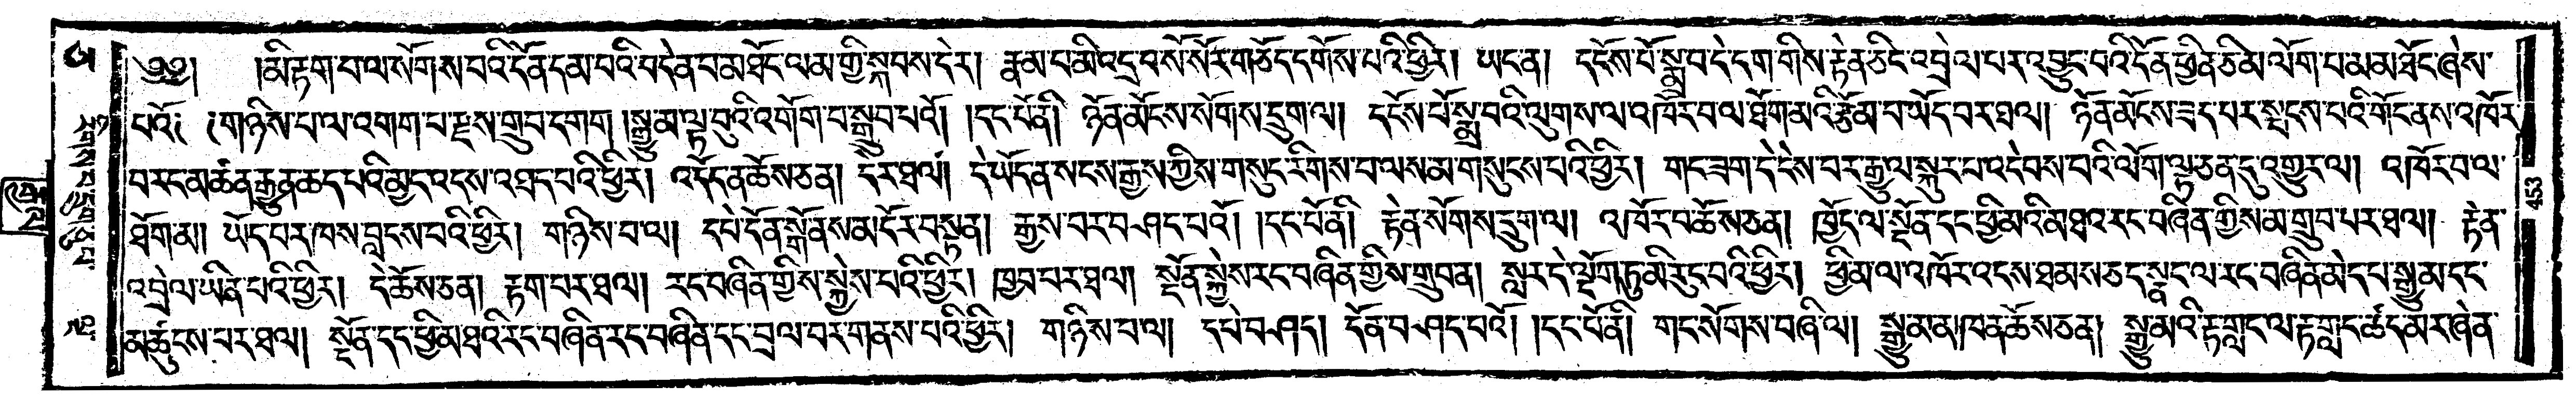༄༅། །མི་རྟག་པ་ལ་སོགས་པའི་དོན་དམ་པའི་བདེན་པ་མཐོང་ལམ་གྱི་སྐབས་དེར། རྣམ་པ་མི་འདྲ་བ་སོ་སོར་གཅོད་དགོས་པའི་ཕྱིར། ཡང་ན། དངོས་པོ་སྨྲ་བ་དེ་དག་གིས་རྟེན་ཅིང་འབྲེལ་པར་འབྱུང་བའི་དོན་ཕྱིན་ཅི་མ་ལོག་པ་མ་མཐོང་ཞེས་
པའོ། །གཉིས་པ་ལ་འགག་པ་རྫས་གྲུབ་དགག །སྒྱུ་མ་ལྟ་བུའི་འགོག་པ་སྒྲུབ་པའོ། །དང་པོ་ནི། ཉོན་མོངས་སོགས་དྲུག་ལ། དངོས་པོ་སྨྲ་བའི་ལུགས་ལ་འཁོར་བ་ལ་ཐོག་མའི་རྩོམ་པ་ཡོད་པར་ཐལ། ཉོན་མོངས་ཟད་པར་སྤངས་པའི་གོང་ནས་འཁོར་
བ་རང་མཚན་རྒྱུན་ཆད་པའི་མྱང་འདས་འཐད་པའི་ཕྱིར། འདོད་ན་ཆོས་ཅན། དེར་ཐལ། དེ་ཡོད་ན་སངས་རྒྱས་ཀྱིས་གསུང་རིགས་པ་ལས་མ་གསུངས་པའི་ཕྱིར། གང་ཟག་དེ་ངེས་པར་རྒྱུ་ལ་སྐུར་བ་འདེབས་པའི་ལོག་ལྟ་ཅན་དུ་འགྱུར་ལ། འཁོར་བ་ལ་
ཐོག་མ། ཡོད་པར་ཁས་བླངས་པའི་ཕྱིར། གཉིས་པ་ལ། དཔེ་དོན་སྒོ་ནས་མདོར་བསྟན། རྒྱས་པར་བཤད་པའོ། །དང་པོ་ནི། རྟེན་སོགས་དྲུག་ལ། འཁོར་བ་ཆོས་ཅན། ཁྱོད་ལ་སྔོན་དང་ཕྱི་མའི་མཐའ་རང་བཞིན་གྱིས་མ་གྲུབ་པར་ཐལ། རྟེན་
འབྲེལ་ཡིན་པའི་ཕྱིར། དེ་ཆོས་ཅན། རྟག་པར་ཐལ། རང་བཞིན་གྱིས་སྐྱེས་པའི་ཕྱིར། ཁྱབ་པར་ཐལ། སྔོན་སྐྱེས་རང་བཞིན་གྱིས་གྲུབ་ན། སླར་དེ་ལྡོག་ཏུ་མི་རུང་བའི་ཕྱིར། ཕྱི་མ་ལ་འཁོར་འདས་ཐམས་ཅད་སྣང་ལ་རང་བཞིན་མེད་པ་སྒྱུ་མ་དང་
མཚུངས་པར་ཐལ། སྔོན་དང་ཕྱི་མཐའི་རང་བཞིན་རང་བཞིན་དང་བྲལ་བར་གནས་པའི་ཕྱིར། གཉིས་པ་ལ། དཔེ་བཤད། དོན་བཤད་པའོ། །དང་པོ་ནི། གང་སོགས་བཞི་ལ། སྒྱུ་མ་མཁན་ཆོས་ཅན། སྒྱུ་མའི་རྟ་གླང་ལ་རྟ་གླང་ཚད་མར་ཞེན་